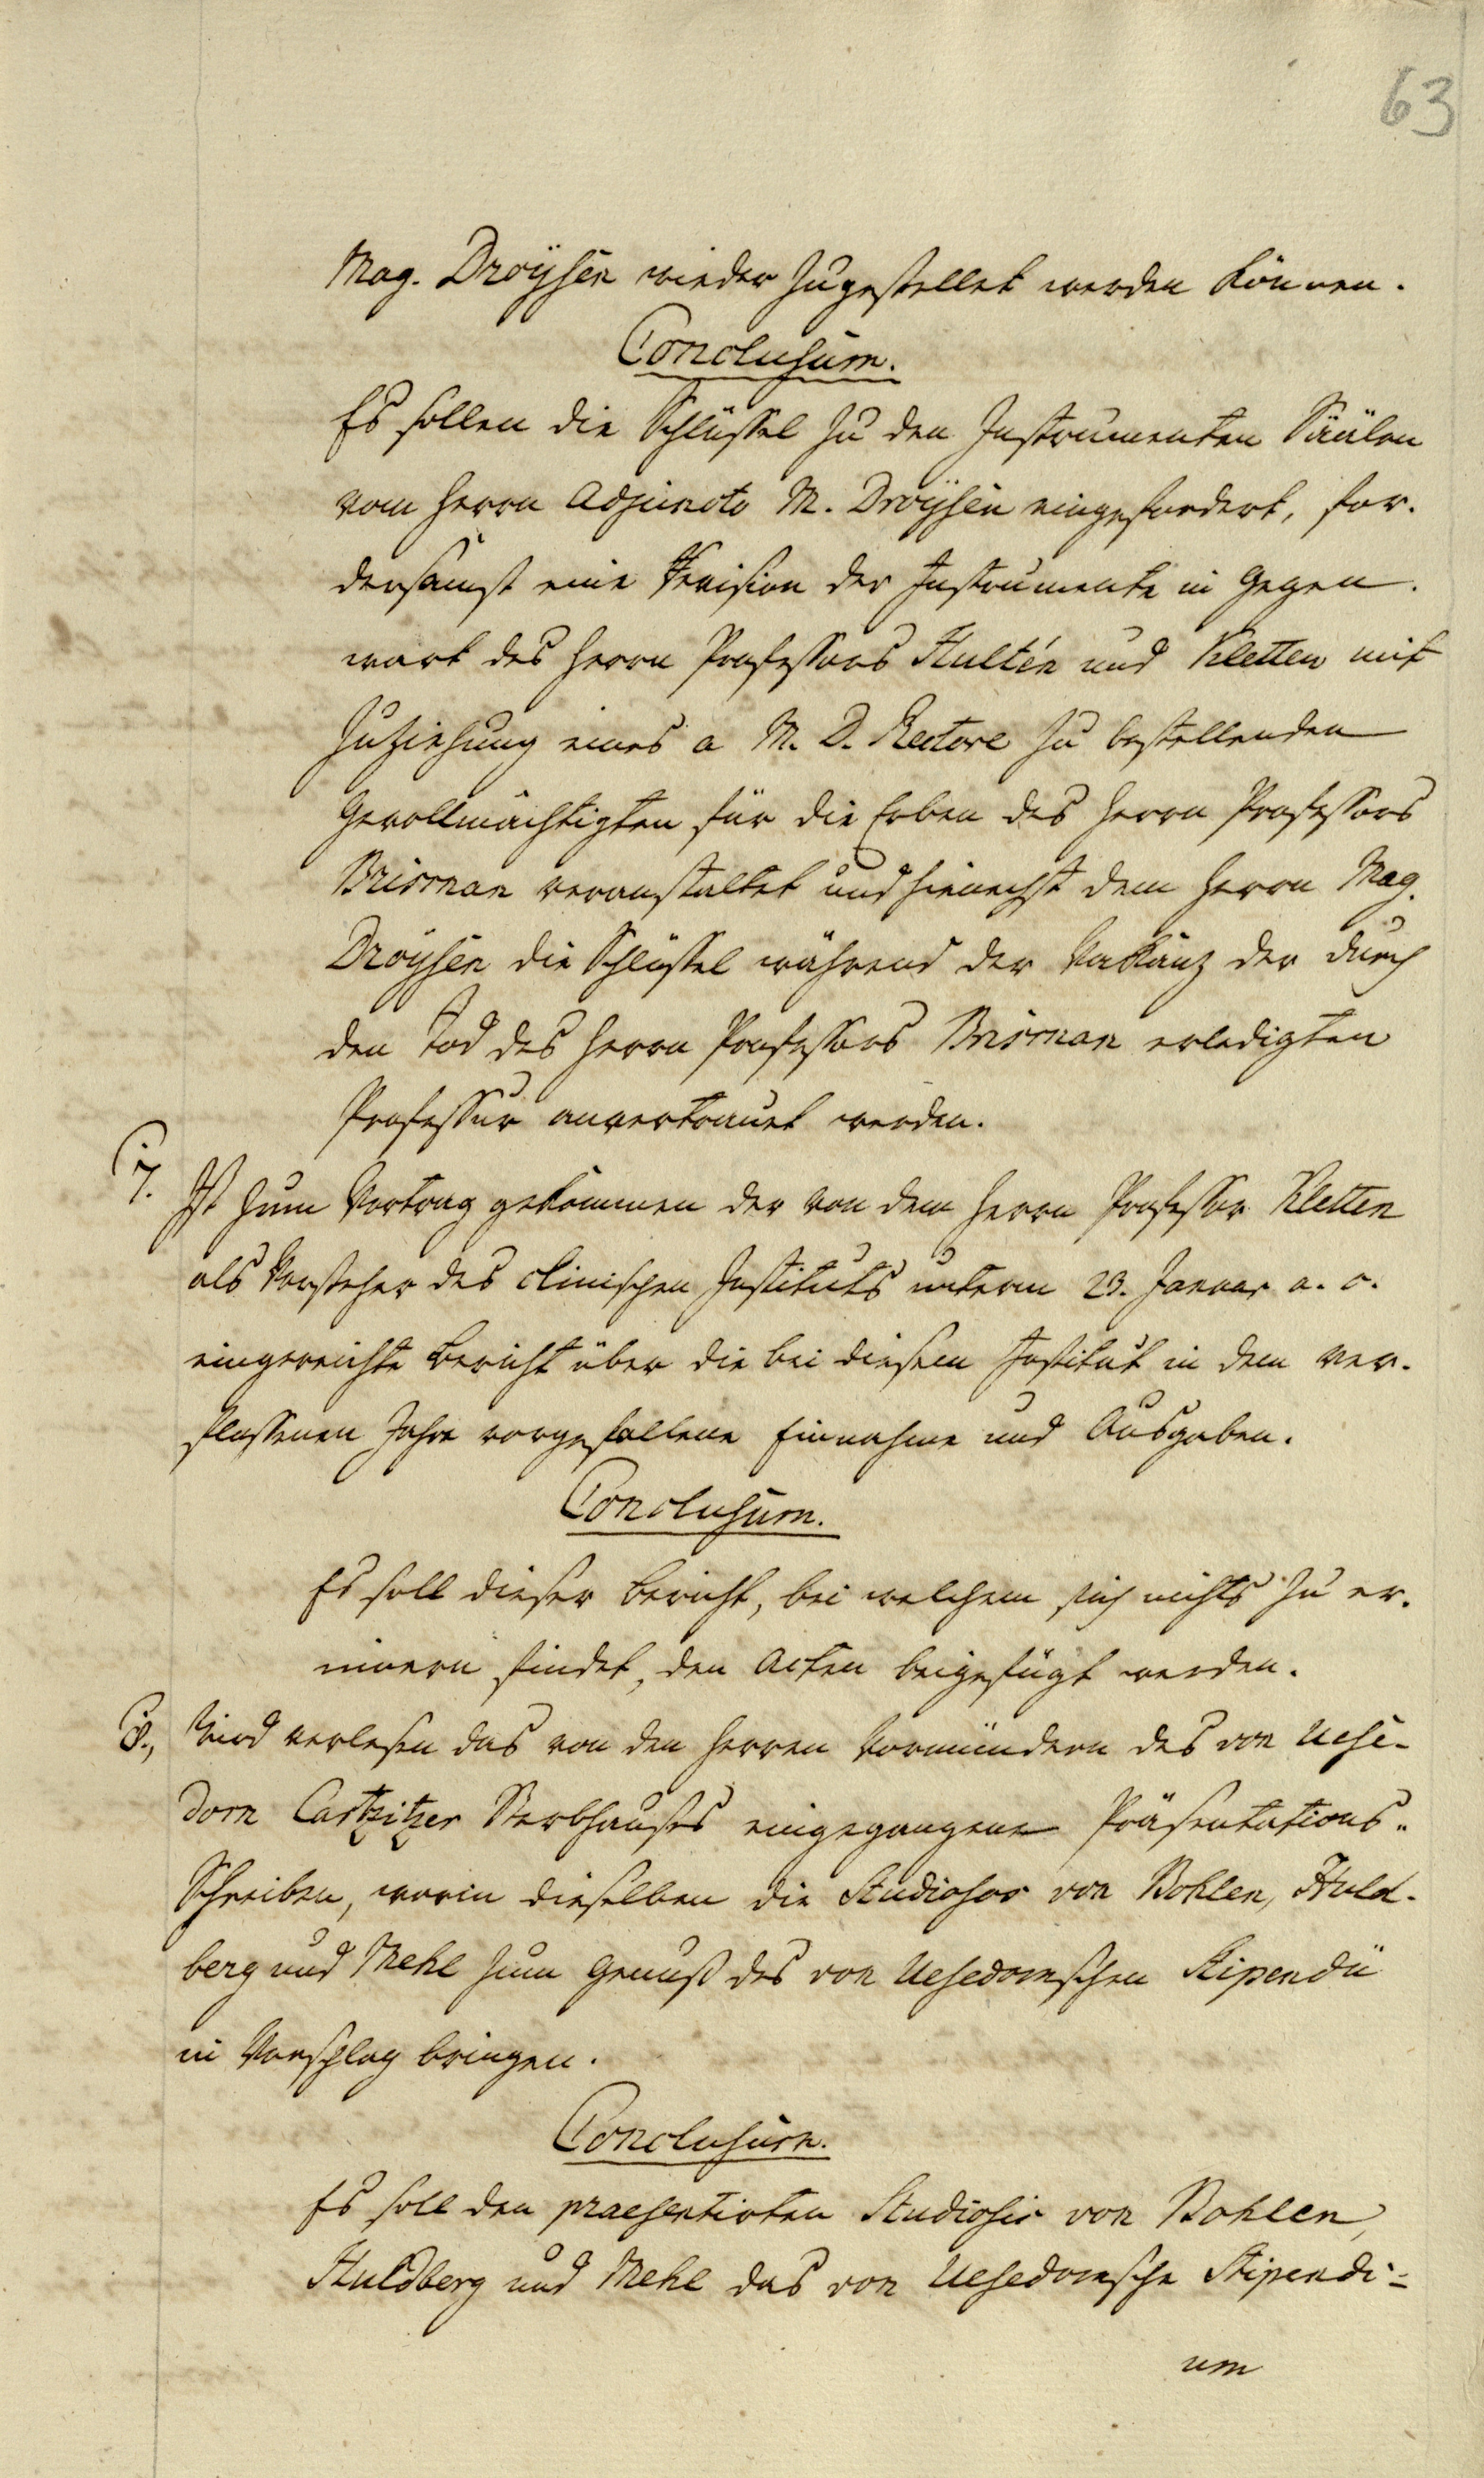Mag. Droÿsen wieder zugestellet werden können.
Conclusum.
Es sollen die Schlüssel zu den Instrumenten Säälen
vom Herrn Adjuncto M. Droÿsen eingefordert, for¬
dersamst eine Revision der Instrumente in Gegen¬
wart des Herrn Professors Hultén und Kletten mit
Zuziehung eines a M. D. Rectore zu bestellenden
Gevollmächtigten für die Erben des Herrn Professors
Brisman veranstaltet und hienechst dem Herrn Mag.
Droÿsen die Schlüssel während der Vakanz der durch
den Tod des Herrn Professors Brisman erledigten
Professur anvertrauet werden.
7. Ist zum Vortrag gekommen der von dem Herrn Professor Kletten
als Vorsteher des clinischen Instituts unterm 23. Januar a. c.
eingereichte Bericht über die bei diesem Institut in dem ver¬
flossenen Jahre vorgefallene Einnahme und Ausgaben.
Conclusum.
Es soll dieser Bericht, bei welchem sich nichts zu er¬
innern findet, den Acten beigefügt werden.
8., Wird verlesen das von den Herren Vormündern des von Uese¬
dom Cartzitzer Sterbhauses eingegangene Präsentations¬
Schreiben, worin dieselben die Studiosos von Bohlen, Huld¬
berg und Mehl zum Genuß des von Uesedomschen Stipendii
in Vorschlag bringen.
Conclusum.
Es soll den praestntirten Studiosis von Bohlen,
Huldberg und Mehl das von Uesedomsche Stipendi¬
um